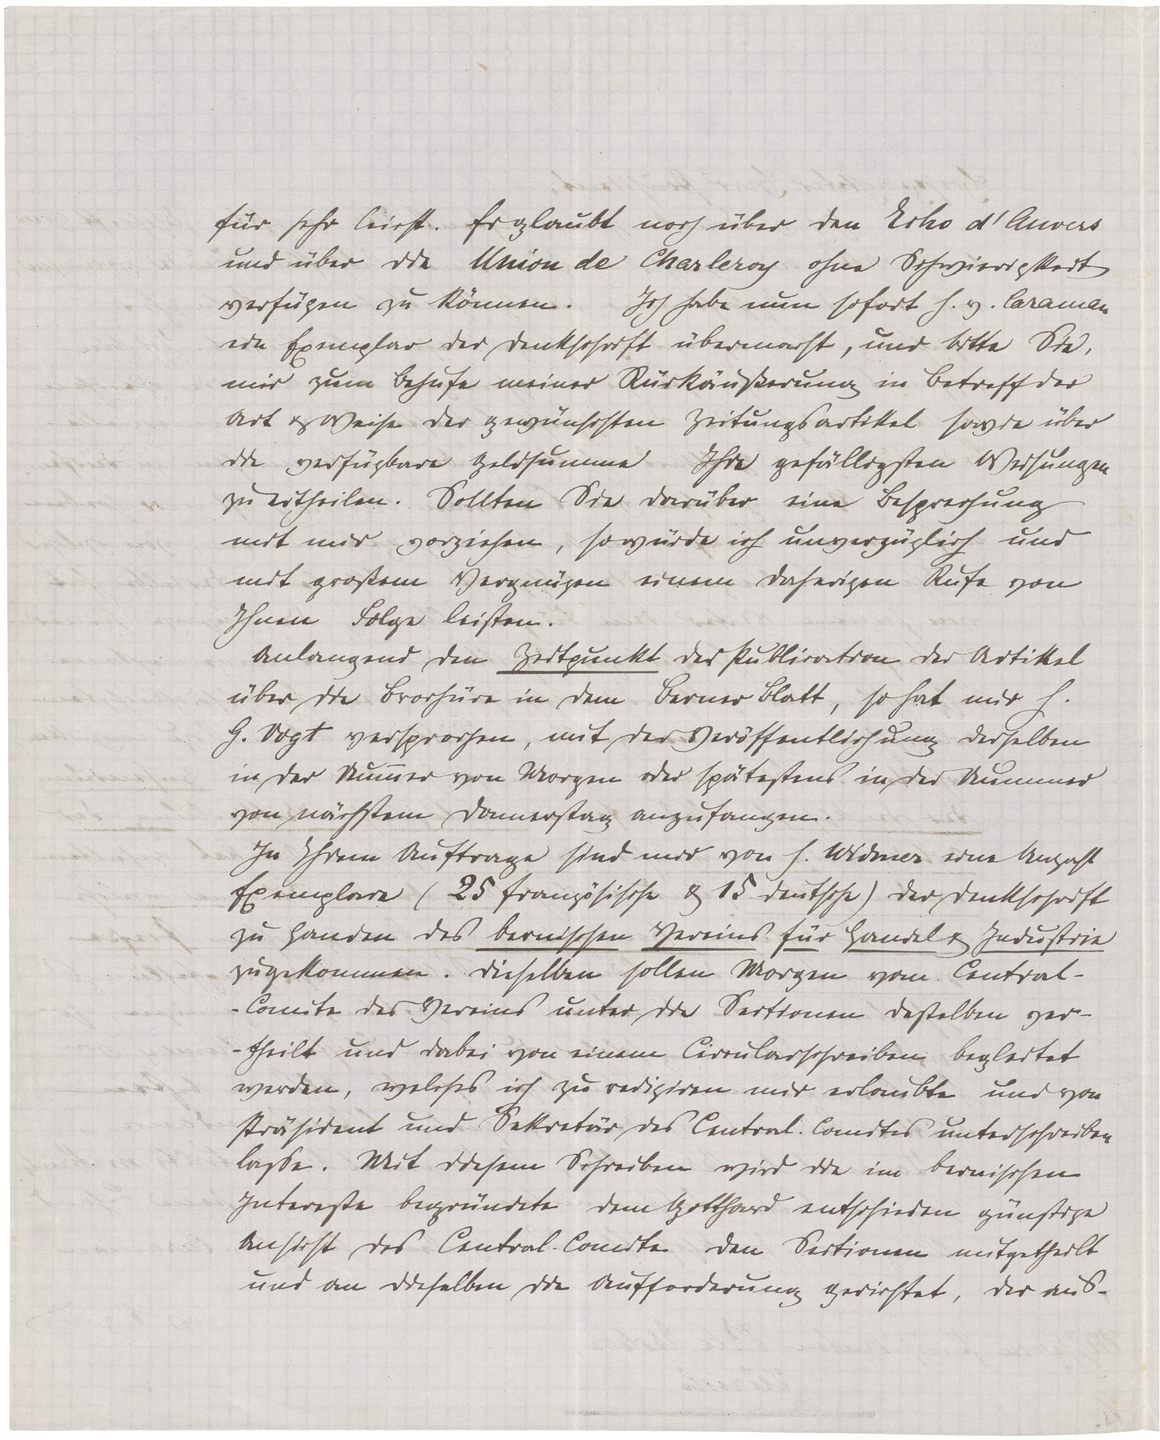sehr leicht.
Er glaubt noch über den Echo d'Anvers
und über die Union de Charleroy ohne Schwierigkeit
verfügen zu können.
Ich habe nun sofort H. v. Caraman
ein Exemplar der Denkschrift übermacht, und bitte Sie,
mir zum Behufe meiner Rückäußerung in Betreff der
Art & Weise der gewünschten Zeitungsartikel sowie über
die verfügbare Geldsumme Ihre gefälligsten Weisungen
zu ertheilen. Sollten Sie darüber eine Besprechung
mit mir vorziehen, so würde ich unverzüglich und
mit großem Vergnügen einem daherigen Rufe von
Ihnen Folge leisten.
Anlangend den Zeitpunkt der Publication der Artikel
über die Brochüre in dem Berner Blatt, so hat mir H.
G. Vogt versprochen, mit der Veröffentlichung derselben
in der Nummer von Morgen oder spätestens in der Nummer
von nächstem Donnerstag anzufangen.
In Ihrem Auftrage sind mir von H. Widmer eine Anzahl
Exemplare (25 französische & 15 deutsche) der Denkschrift
zu Handen des bernischen Vereins für Handel & Industrie
zugekommen. Dieselben sollen Morgen vom Central-
Comite des Vereins unter die Sectionen deßelben ver-
theilt und dabei von einem Circularschreiben begleitet
werden, welches ich zu redigiren mir erlaubte und von
Präsident und Sekretär des Central-Comites unterschreiben
lasse. Mit diesem Schreiben wird die im bernischen
Intereße begründete dem Gotthard entschieden günstige
Ansicht des Central-Comite den Sectionen mitgetheilt
und an dieselben die Aufforderung gerichtet, der aus-